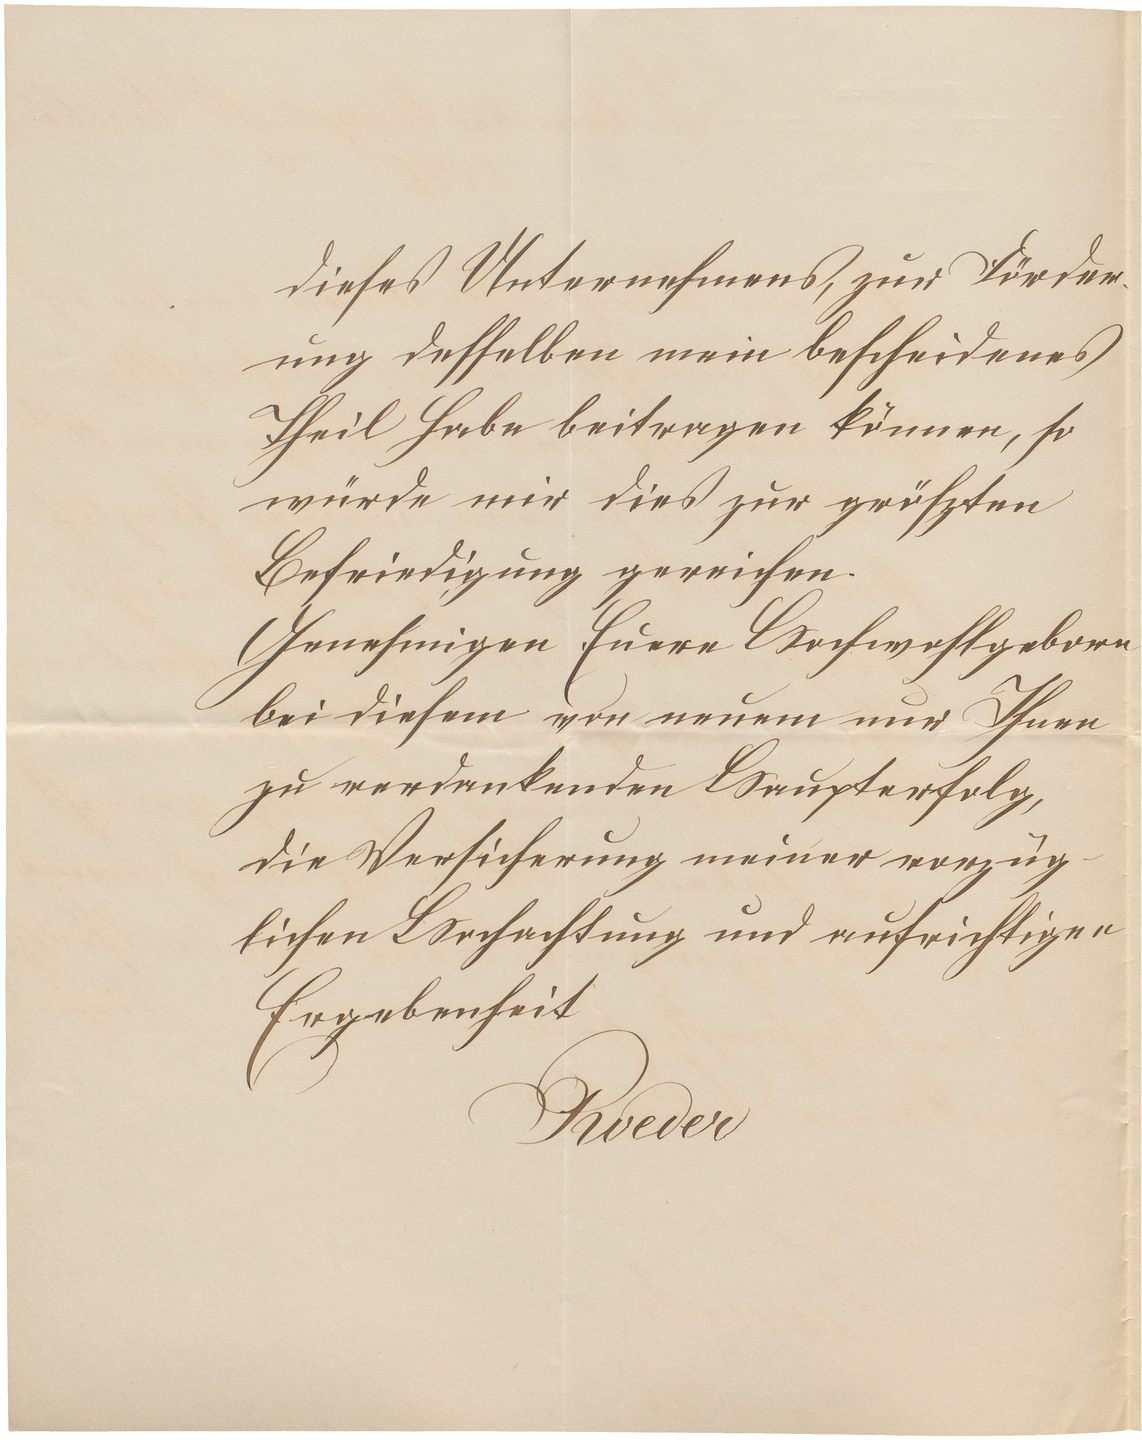dieses Unternehmens, zur Förder-
ung desselben mein bescheidenes
Theil habe beitragen können, so
würde mir dies zur gröszten
Befriedigung gereichen.
Genehmigen Euere Hochwohlgeborn
bei diesem von neuem nur Ihnen
zu verdankenden Haupterfolg,
die Versicherung meiner vorzüg-
lichen Hochachtung und aufrichtigen
Ergebenheit
Roeder